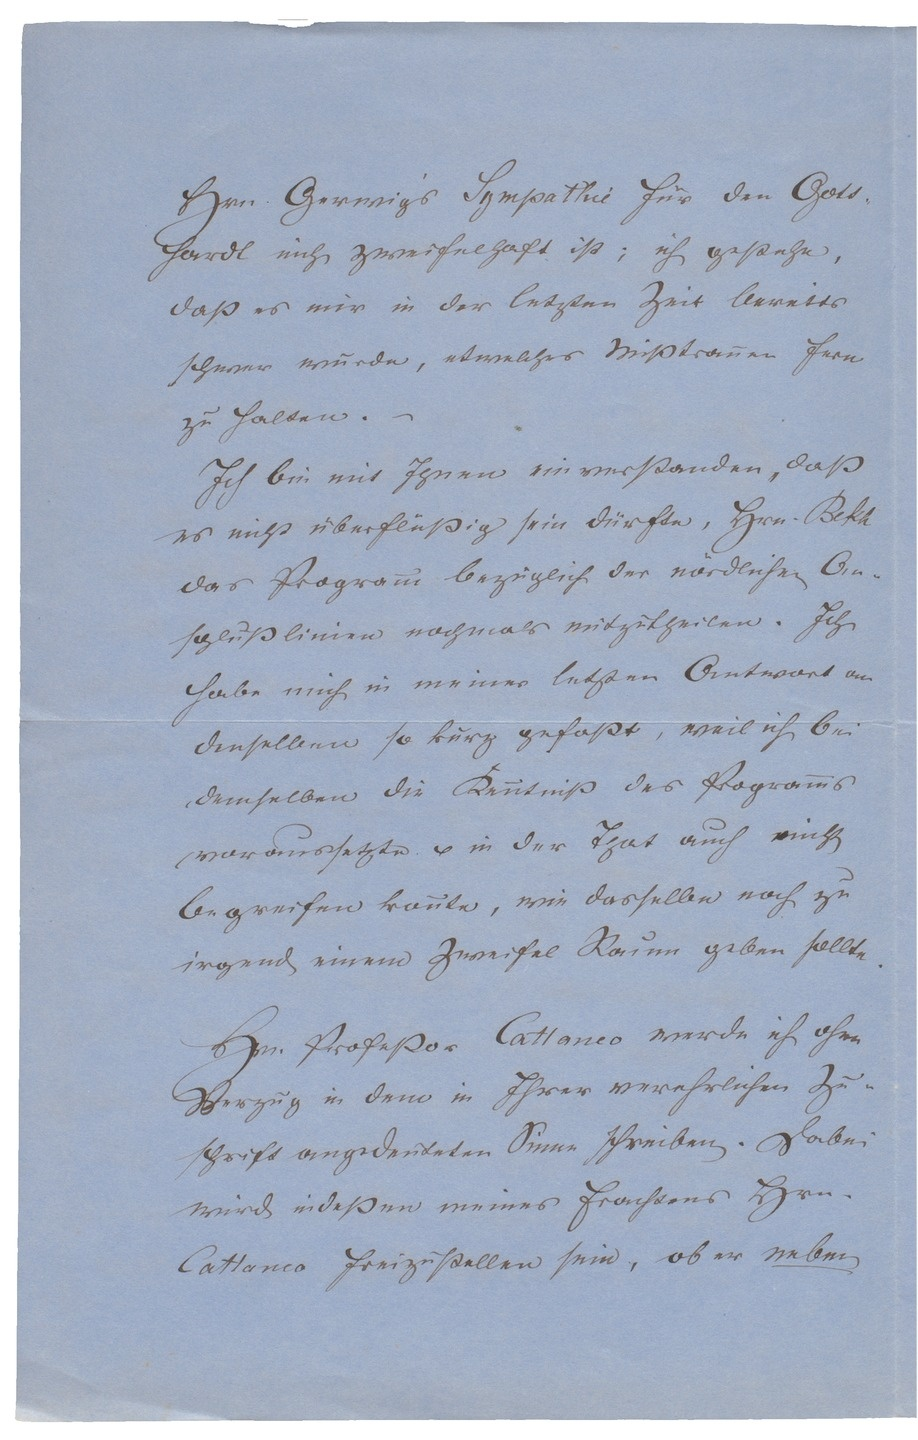Hrn. Gerwig's Sympathie für den Gott-
hardt nich zweifelhaft ist; ich gestehe,
daß es mir in der letzten Zeit bereits
schwer wurde, etwelches Mißtrauen fern
zu halten. –
Ich bin mit Ihnen einverstanden, daß
es nicht überflüßig sein dürfte, Hrn. Bekh
das Programm bezüglich der nördlichen An-
schlußlinien nochmals mitzutheilen. Ich
habe mich in meiner letzten Antwort an
denselben so kurz gefaßt, weil ich bei
demselben die Kenntniß des Programms
voraussetzte & in der That auch nicht
begreifen konnte, wie dasselbe noch zu
irgend einem Zweifel Raum geben sollte.
Hrn. Profeßor Cattaneo werde ich ohne
Verzug in dem in Ihrer verehrlichen Zu-
schrift angedeuteten Sinne schreiben. Dabei
wird indeßen meines Erachtens Hrn.
Cattaneo freizustellen sein, ob er neben